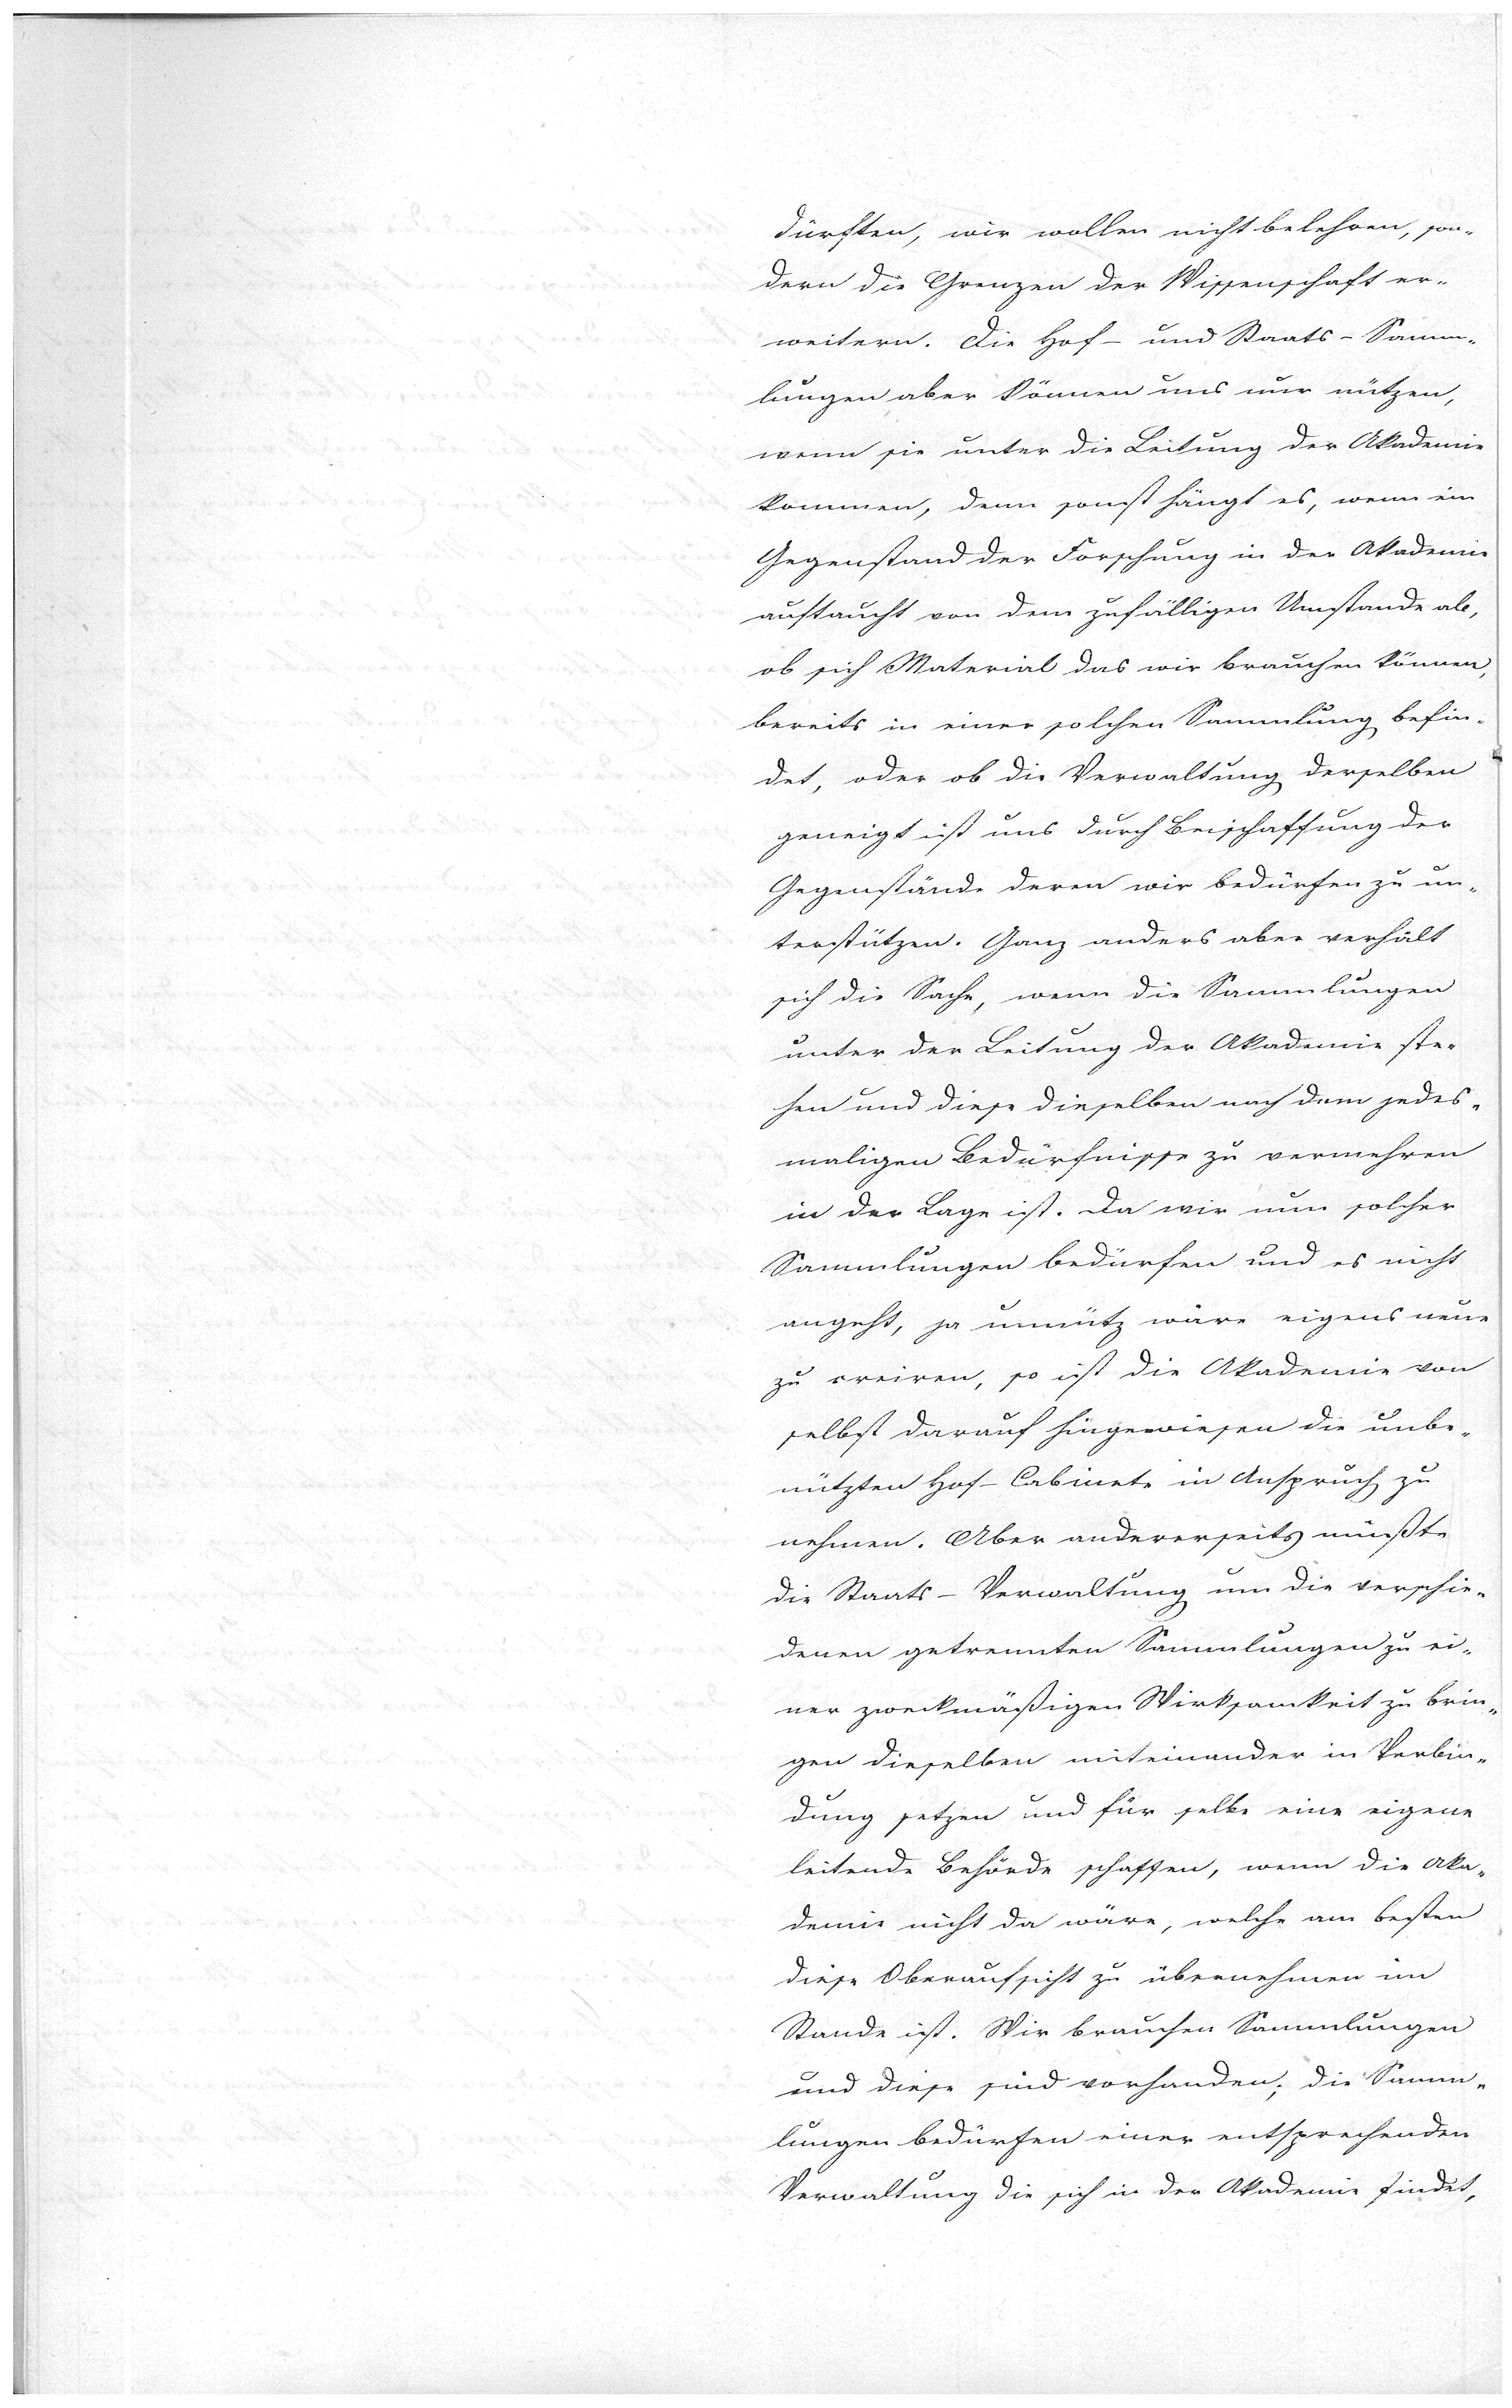dürften, wir wollen nicht belehren, son-
dern die Grenzen der Wissenschaft er-
weiteren. Die Hof- und Staats-Samm-
lungen aber können und nur nützen,
wenn sie unter die Leitung der Akademie
kommen, den sonst hängt es, wenn ein
Gegenstand der Forschung in der Akademie
auftaucht von dem zufälligen Umstande ab,
ob sich Material das wir brauchen können,
bereits in einer solchen Sammlung befin-
det, oder ob die Verwaltung derselben
geneigt ist uns durch Beischaffung der
Gegenstände deren wir bedürfen zu un-
terstützen. Ganz anders aber verhält
sich die Sache, wenn die Sammlungen
unter der Leitung der Akademie ste-
hen und diese dieselben nach dem jedes-
maligen Bedürfnisse zu vermehren
in der Lage ist. Da wir nun solcher
Sammlungen bedürfen und es nicht
angeht, ja unnütz wäre eigens neue
zu creiren, so ist die Akademie von
selbst darauf hingewiesen die unbe-
nützten Hof-Cabinete in Anspruch zu
nehmen. Aber andererseits müßte
die Staats-Verwaltung um die verschie-
denen getrennten Sammlungen zu ei-
ner zweckmäßigen Wirksamkeit zu brin-
gen dieselben miteinander in Verbin-
dung setzen und für selbe eine eigene
leitende Behörde schaffen, wenn die Aka-
demie nicht da wäre, welche am besten
diese Oberaufsicht zu übernehmen im
Stande ist. Wir brauchen Sammlungen
und diese sind vorhanden; die Samm-
lungen bedürfen einer entsprechenden
Verwaltung die sich in der Akademie findet,